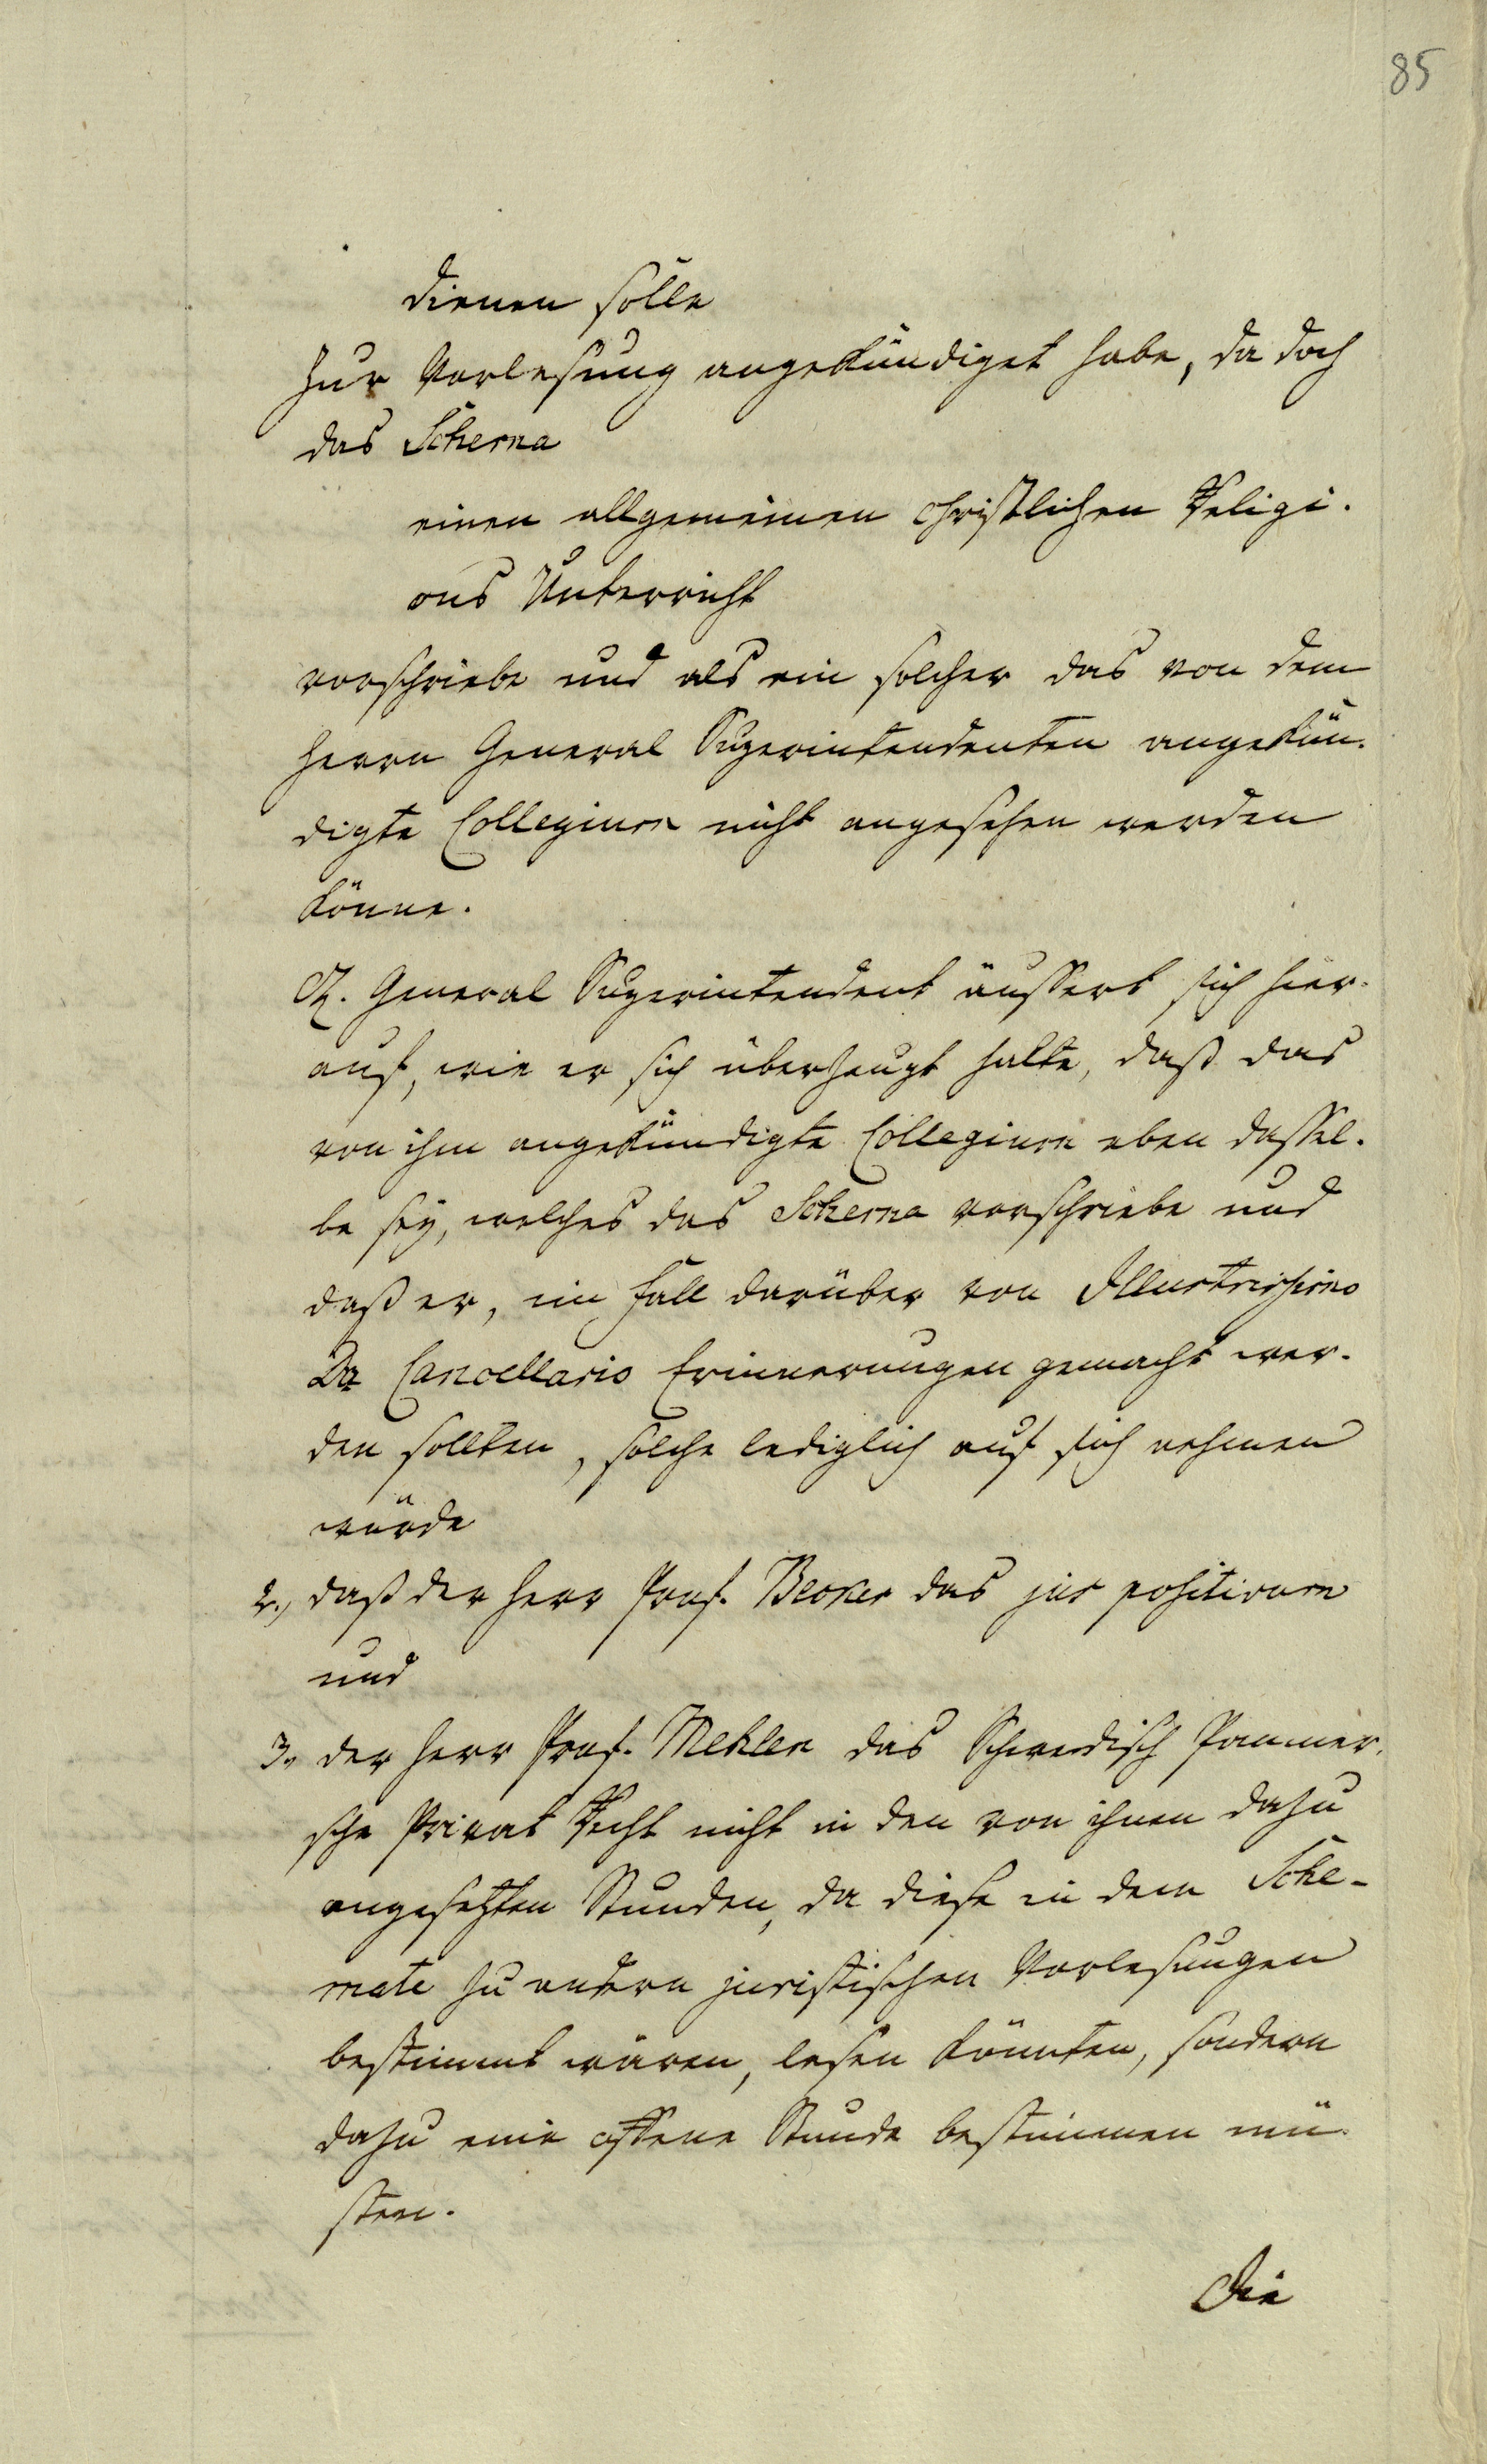dienen solle
zur Vorlesung angekündiget habe, da doch
das Schema
einen allgemeinen christlichen Religi¬
ons Unterricht
vorschriebe und als ein solcher das von dem
Herrn General Superintendenten angekün¬
digte Collegium nicht angesehen werden
könne.
dh. General Superintendent äussert sich hier¬
auf, wie er sich überzeugt halte, daß das
von ihm angekündigte Collegium eben dassel¬
be seÿ, welches das Schema vorschriebe und
daß er, im Fall darüber von Illustrissimo
Dn Cancellario Erinnerungen gemacht wer¬
den sollten, solche lediglich auf sich nehmen
würde.
2., daß der Herr Prof. Becker das jus positivum
und
3. der Herr Prof. Mehlen das Schwedisch Pommer¬
sche Privat Recht nicht in den von ihnen dazu
angesetzten Stunden, da diese in dem Sche¬
mate zu andern juristischen Vorlesungen
bestimmt wären, lesen könnten, sondern
dazu eine offene Stunde bestimmen mü¬
sten.
Die